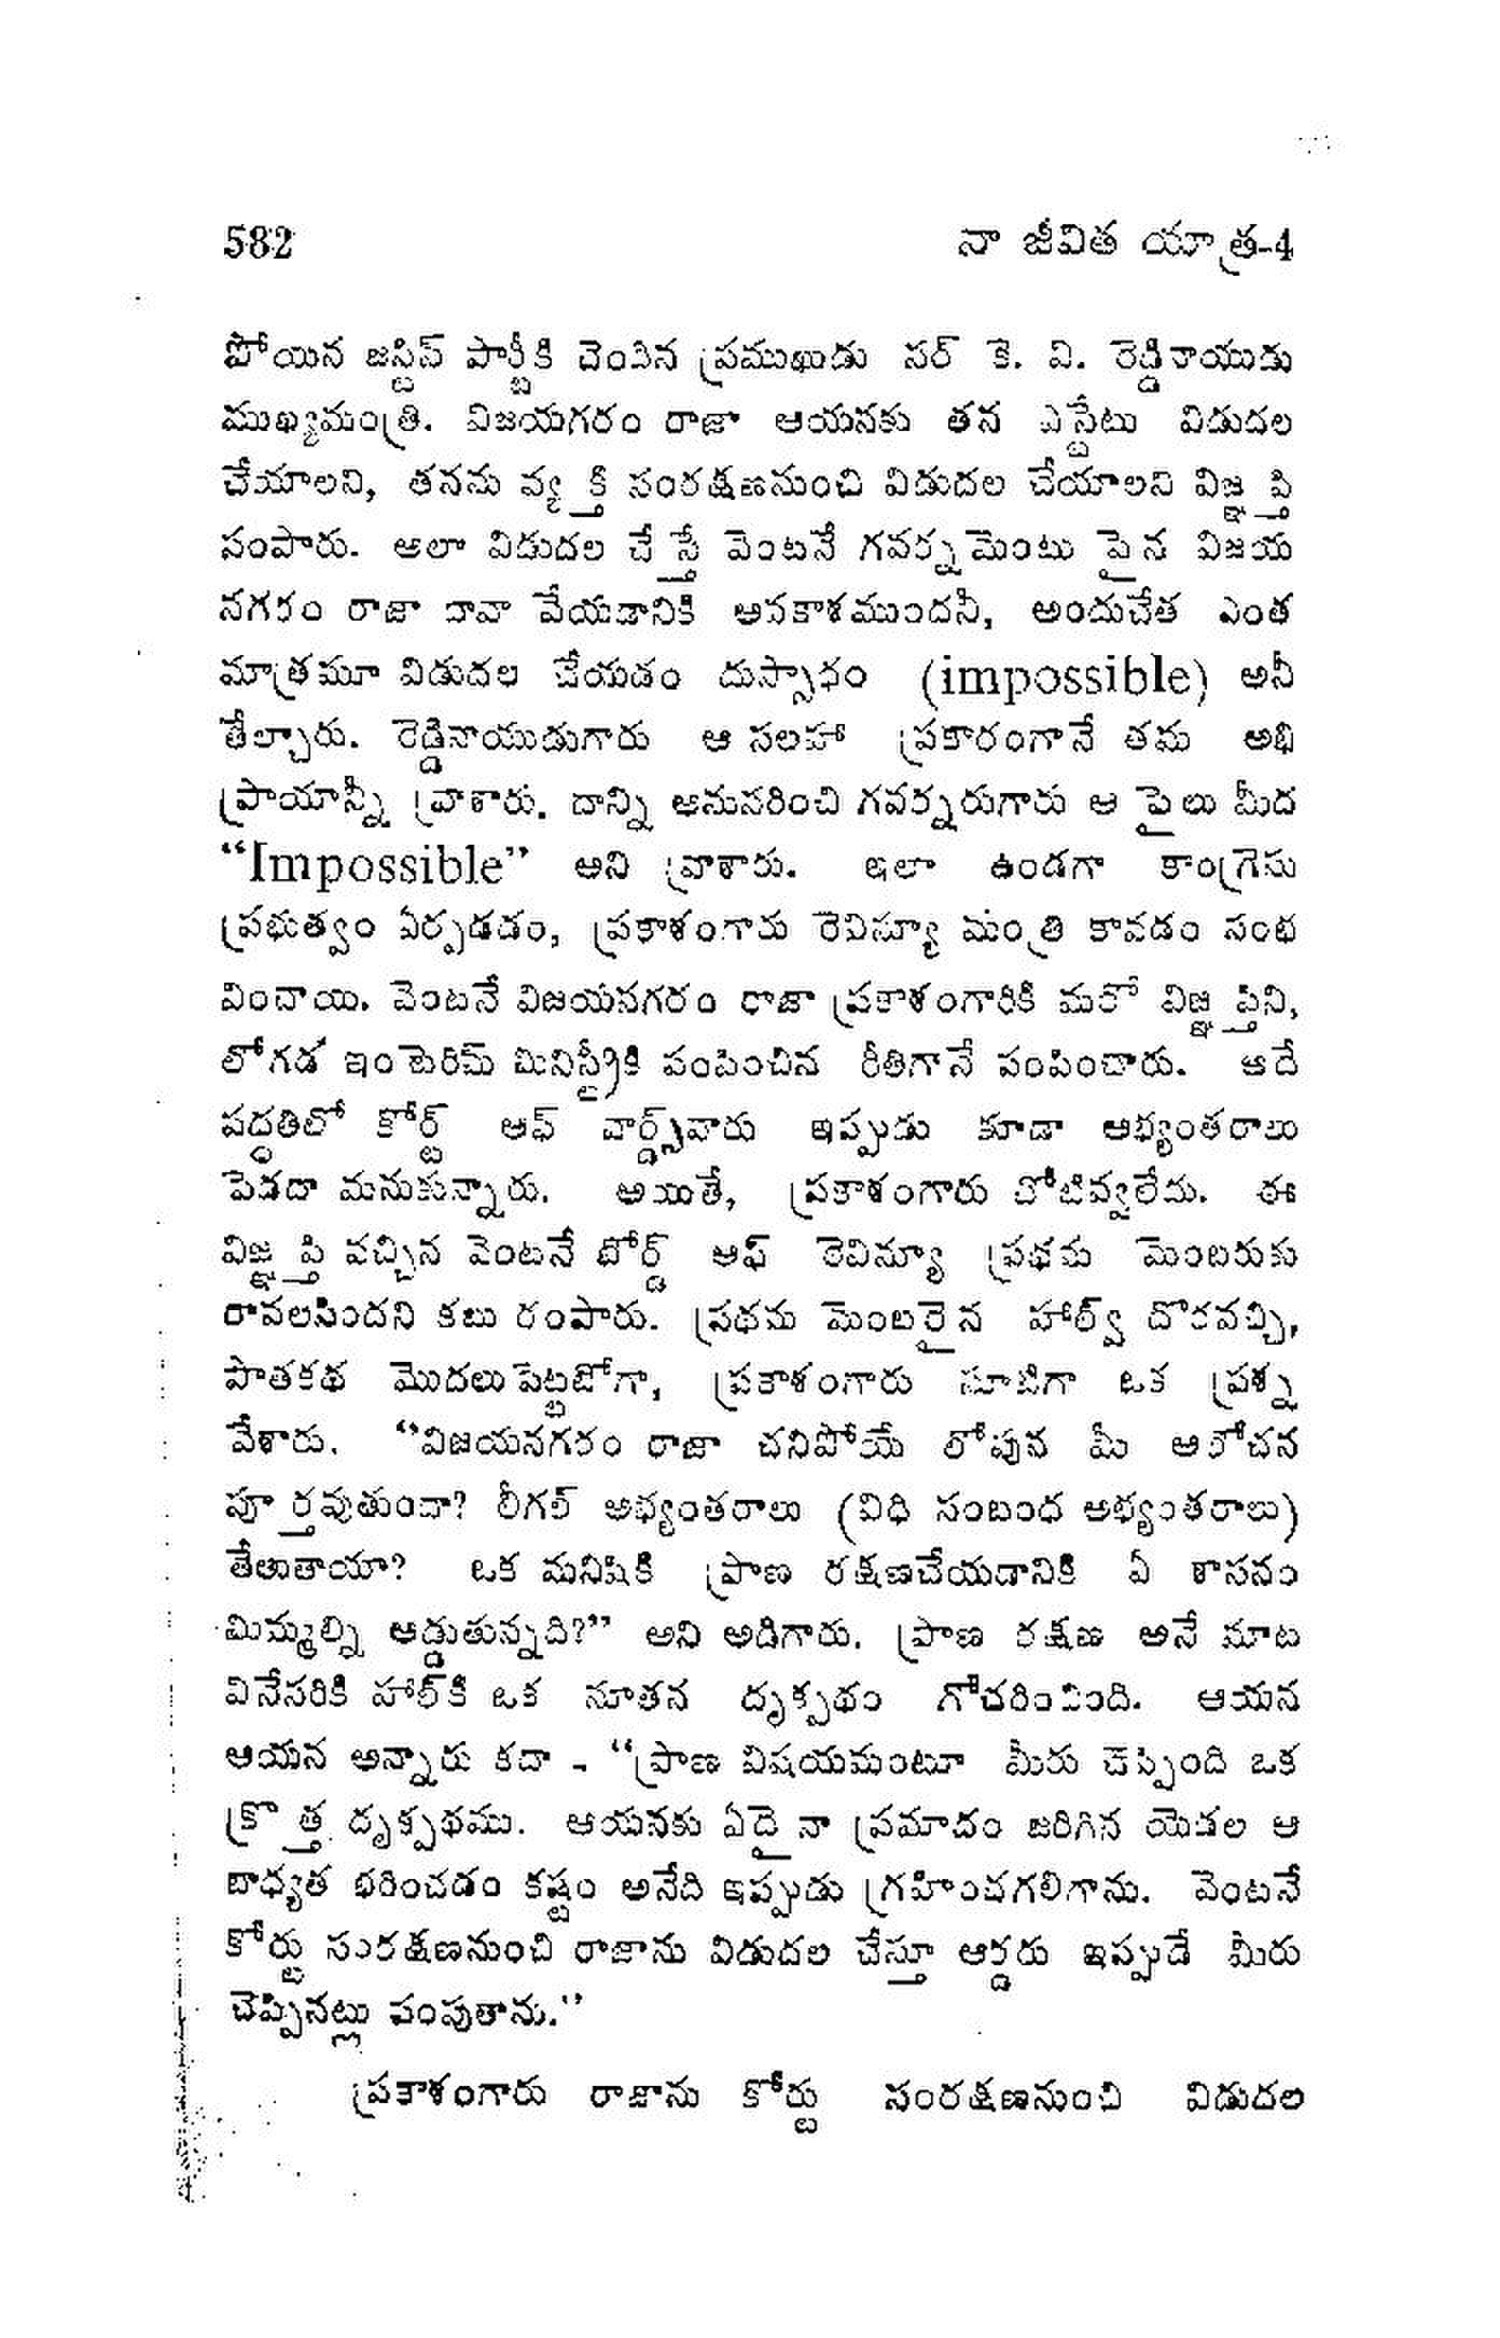పోయిన జస్టిస్ పార్టీకి చెందిన ప్రముఖుడు సర్. కె. వి. రెడ్డినాయుడు ముఖ్యమంత్రి. విజయనగరం రాజా ఆయనకు తన ఎస్టేటు విడుదల చేయాలని, తనను వ్యక్తి సంరక్షణనుంచి విడుదల చేయాలని విజ్ఞప్తి పంపారు. అలా విడుదల చేస్తే వెంటనే గవర్నమెంటు పైన విజయనగరం రాజా దావా వేయడానికి అవకాశముందనీ, అందుచేత ఎంత మాత్రమూ విడుదల చేయడం దుస్సాధం (impossible) అనీ తేల్చారు. రెడ్డినాయుడుగారు ఆ సలహా ప్రకారంగానే తమ అభిప్రాయాన్నీ వ్రాశారు. దాన్ని అనుసరించి గవర్నరుగారు ఆ పైలు మీద "Impossible" అని వ్రాశారు. ఇలా ఉండగా కాంగ్రెసు ప్రభుత్వం ఏర్పడడం, ప్రకాశంగారు రెవిన్యూ మంత్రి కావడం సంభవించాయి. వెంటనే విజయనగరం రాజా ప్రకాశంగారికి మరో విజ్ఞప్తిని, లోగడ ఇంటెరిమ్ మినిస్ట్రీకి పంపించిన రీతిగానే పంపించారు. అదే పద్ధతిలో కోర్ట్ ఆఫ్ వార్డ్స్‌వారు ఇప్పుడు కూడా అభ్యంతరాలు పెడదా మనుకున్నారు. అయితే, ప్రకాశంగారు చోటివ్వలేదు. ఈ విజ్ఞప్తి వచ్చిన వెంటనే బోర్డ్ ఆఫ్ రెవిన్యూ ప్రథమ మెంబరుకు రావలసిందని కబు రంపారు. ప్రథమ మెంబరైన హాల్వ్ దొరవచ్చి, పాతకథ మొదలుపెట్టబోగా, ప్రకాశంగారు సూటిగా ఒక ప్రశ్నవేశారు. "విజయనగరం రాజా చనిపోయే లోపున మీ ఆలోచన పూర్తవుతుందా? లీగల్ అభ్యంతరాలు (విధి సంబంధ అభ్యంతరాలు) తేలుతాయా? ఒక మనిషికి ప్రాణ రక్షణ చేయడానికి ఏ శాసనం మిమ్మల్ని అడ్డుతున్నది?" అని అడిగారు. ప్రాణ రక్షణ అనే మాట వినేసరికి హాల్‌కి ఒక నూతన దృక్పథం గోచరించింది. ఆయన ఆయన అన్నారు కదా - "ప్రాణ విషయమంటూ మీరు చెప్పింది ఒక క్రొత్త దృక్పథము. ఆయనకు ఏదైనా ప్రమాదం జరిగిన యెడల ఆ బాధ్యత భరించడం కష్టం అనేది ఇప్పుడు గ్రహించ గలిగాను. వెంటనే కోర్టు సంరక్షణనుంచి రాజాను విడుదల చేస్తూ ఆర్డరు ఇప్పుడే మీరు చెప్పినట్లు పంపుతాను."

ప్రకాశంగారు రాజాను కోర్టు సంరక్షణనుంచి విడుదల